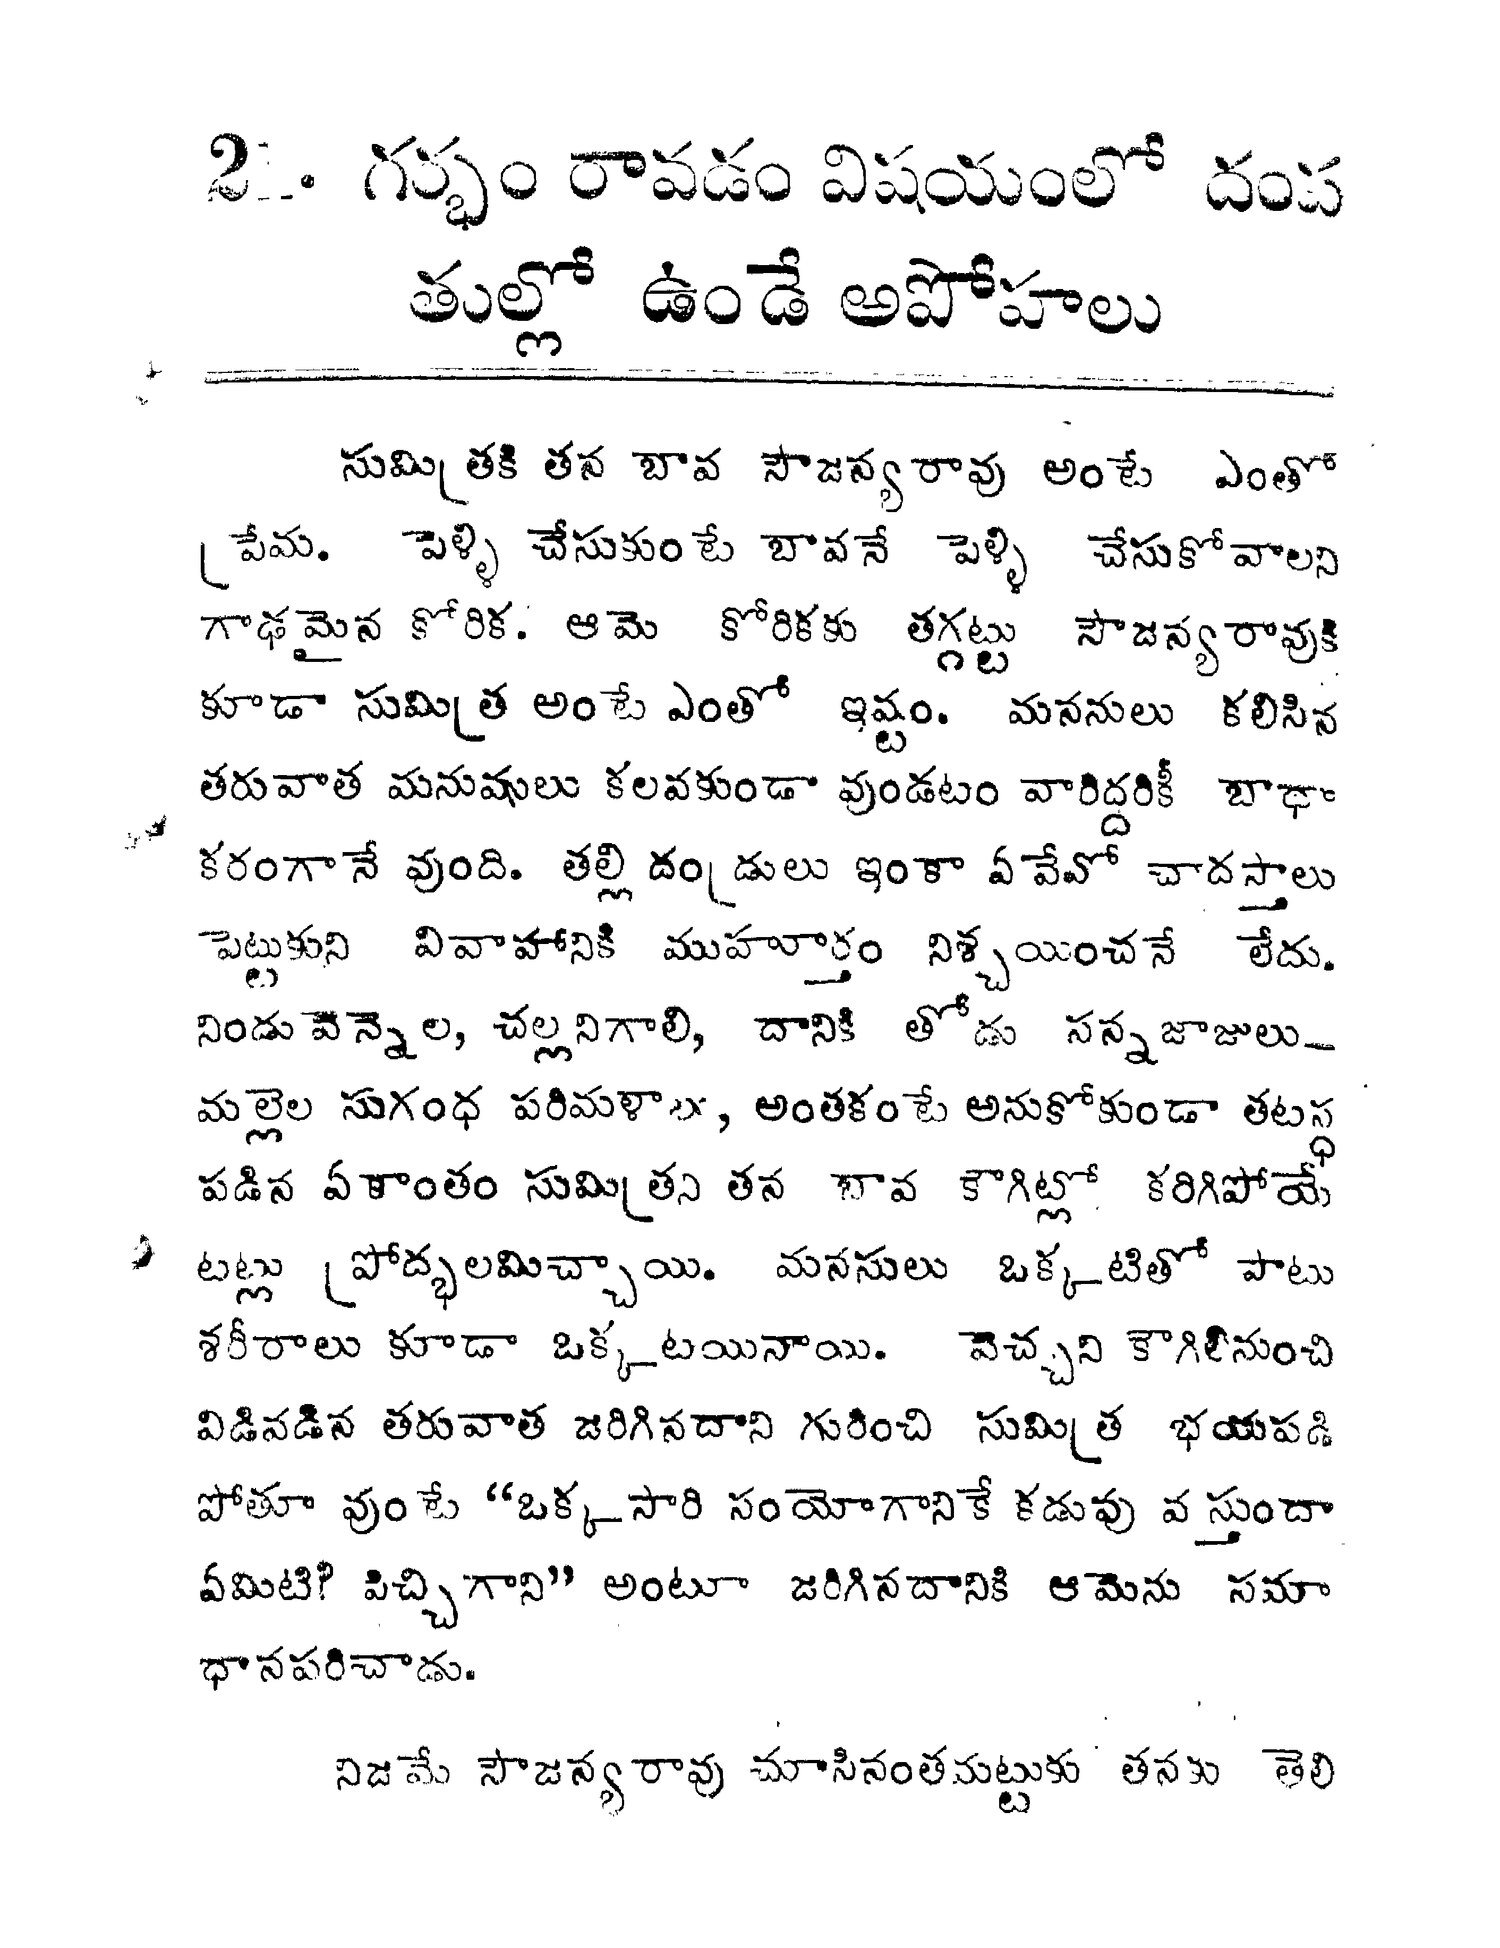సుమిత్రకి తన బావ సౌజన్యరావు అంటే ఎంతో ప్రేమ. పెళ్ళి చేసుకొంటే బావనే పెళ్ళి చేసుకోవాలని గాఢమైన కోరిక. ఆమె కోరికకు తగ్గట్టు సౌజన్యరావుకి కూడా సుమిత్ర అంటే ఎంతో ఇష్టం. మనసులు కలిసిన తరువాత మనుషులు కలవకుండా వుండటం వారిద్దరికీ బాధాకరంగానే వుంది. తల్లి దండ్రులు ఇంకా ఏవేవో చాదస్తాలు పెట్టుకుని వివాహానికి ముహూర్తం నిశ్చయించనే లేదు. నిండు వెన్నెల, చల్లనిగాలి, దానికి తోడు సన్నజాజులు- మల్లెల సుగంధ పరిమళాలు, అంతకంటే అనుకోకుండా తటస్థ పడిన ఏకాంతం సుమిత్రని తన బావ కౌగిట్లో కరిగిపోయేటట్లు ప్రోద్భలమిచ్చాయి. మనసులు ఒక్కటితో పాటు శరీరాలు కూడా ఒక్కటయినాయి. వెచ్చని కౌగిలినుంచి విడివడిన తరువాత జరిగినదాని గురించి సుమిత్ర భయబడి పోతూ వుంటే "ఒక్కసారి సంయోగానికే కడుపు వస్తుందా ఏమిటి? పిచ్చిగాని" అంటూ జరిగినదానికి ఆమెను సమాధానపరిచాడు.

నిజమే సౌజన్యరావు చూసినంతమట్టుకు తనకు తెలి